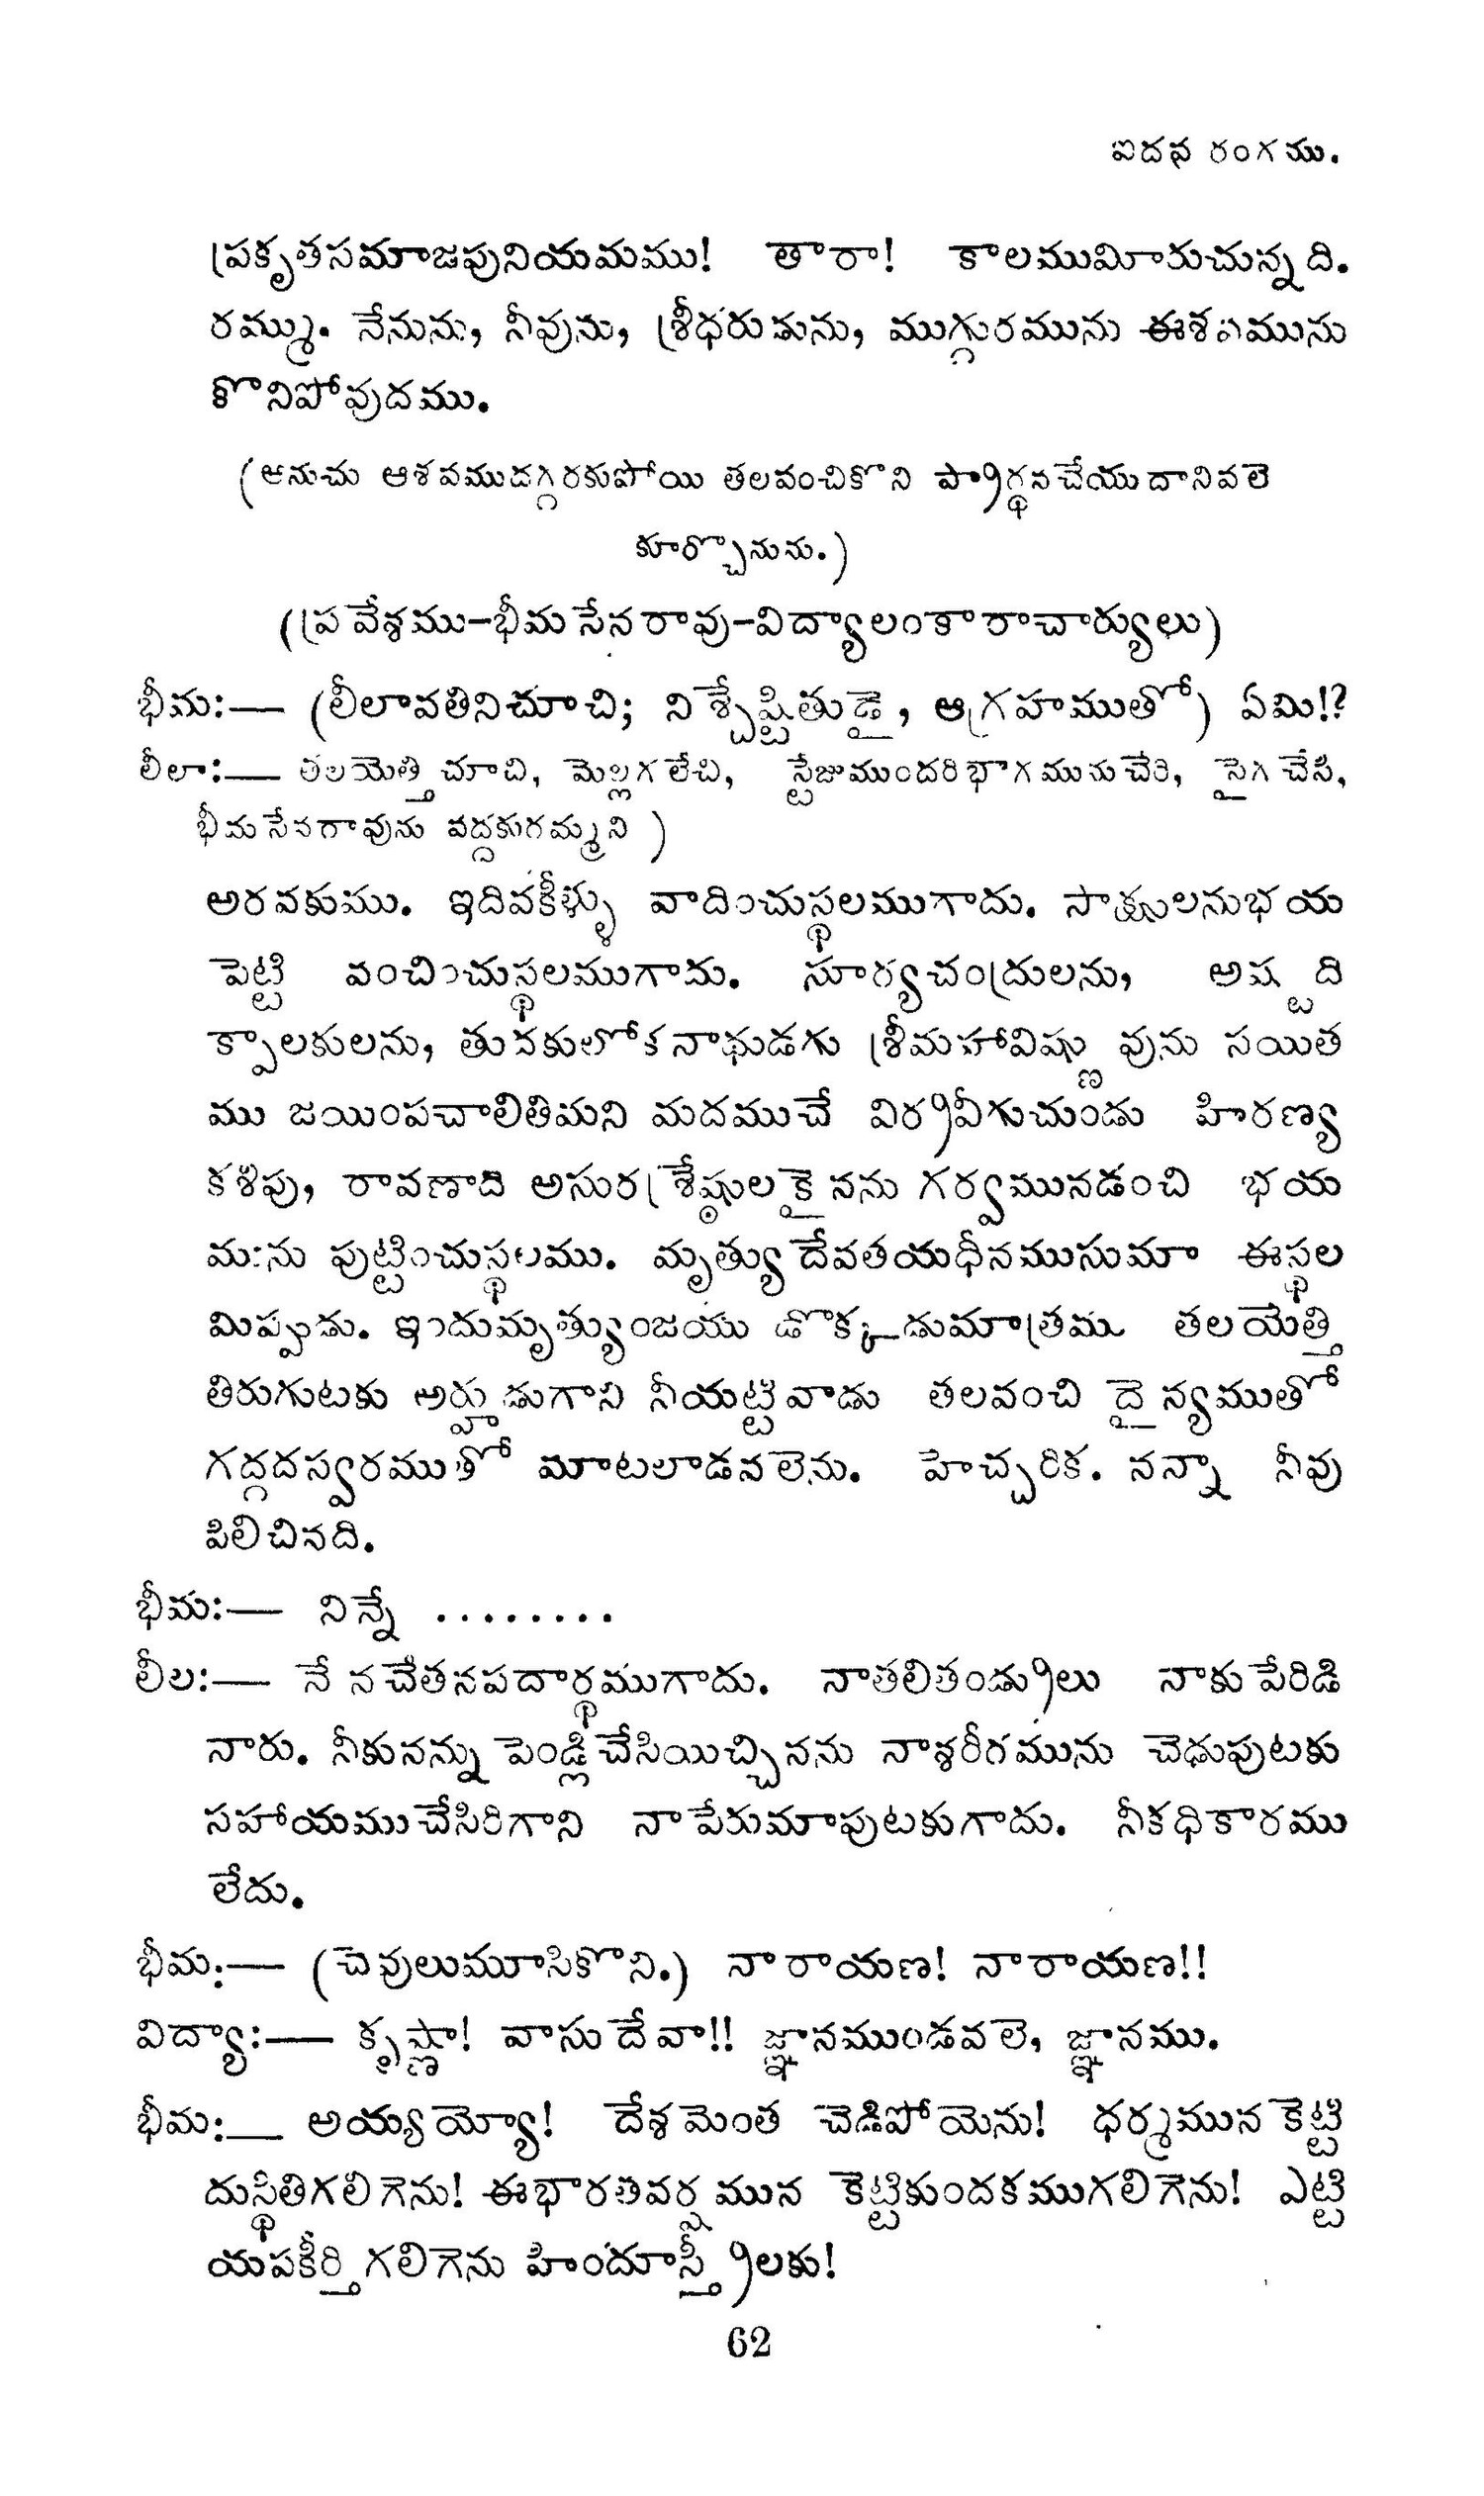.
దానివలె
ప్రకృతసమాజపు నియమము! తారా! కాలము మీరుచున్నది.
రమ్ము. నేనును, నీవును, శ్రీధరుడును, ముగ్గురమును ఈశవముసు
కొనిపోవుదము.

భీము:- (లీలావతిని చూచి; నిశ్చేష్టితుడై , ఆగ్రహముతో) ఏమి!?

లీలా:- తలయెత్తి చూచి, మెల్లగ లేచి, స్టేజుముందరి భాగమును చేరి, సైగ చేసి,
భీమసేనగావును వద్దకుగమ్మని )'

అరవకుము. ఇదివకీళ్ళు వాదించుస్థలము గాదు, సాక్షులనుభయ
పెట్టి వంచిచు స్థలముగాదు. సూర్యచంద్రులను, అష్టది
క్పాలకులను, తుదకులోక నాధుడగు శ్రీమహావిష్ణువును సయిత
ము జయింపచాలితిమని మదముచే విరవీగుచుండు హిరణ్య
కశిపు, రావణాది అసుర శ్రేష్ఠుల కైనను గర్వమునడంచి భయ
మను పుట్టి చుస్థలము. మృత్యు దేవతయ ధీన ముసుమా ఈస్థల
మిప్పుడు. ఇందు మృత్యుంజయు డొక్కడుమాత్రము. తలయెతి
తిరుగుటకు అర్హుడుగాని నీయట్టి వాడు తలవంచి దైన్యముతో
గద్గద స్వరము తో మాటలాడవలెను. హెచ్చరిక. నన్నా నీవు
పిలిచినది.

భీమ:- నిన్నే

లీల:- నే న చేతన పదార్థముగాదు. నాతలితండులు నాకు పేరిడి
నారు. నీకు నన్ను పెండ్లి చేసియిచ్చి నను నాశరీరమును చెడుపుటకు
సహాయము చేసిరి గాని నా పేరుమాపుటకుగాదు. నీకధికారము
లేదు.

భీమ:- (చెవులు మూసికొని.) నారాయణ! నారాయణ!!

విద్యా:- కృష్ణా! వాసు దేవా!! జ్ఞానముండవ లె,
జ్ఞానము.

భీమ: - అయ్యయ్యో! దేశ మెంత చెడిపోయెను! ధర్మమున కెట్టి
దుస్థితిగలిగెను! ఈ భారతవర్షమున కెట్టికుందకముగలిగెను! ఎట్టి
యపకీర్తి గలిగెను హిందూస్త్రీ లకు.